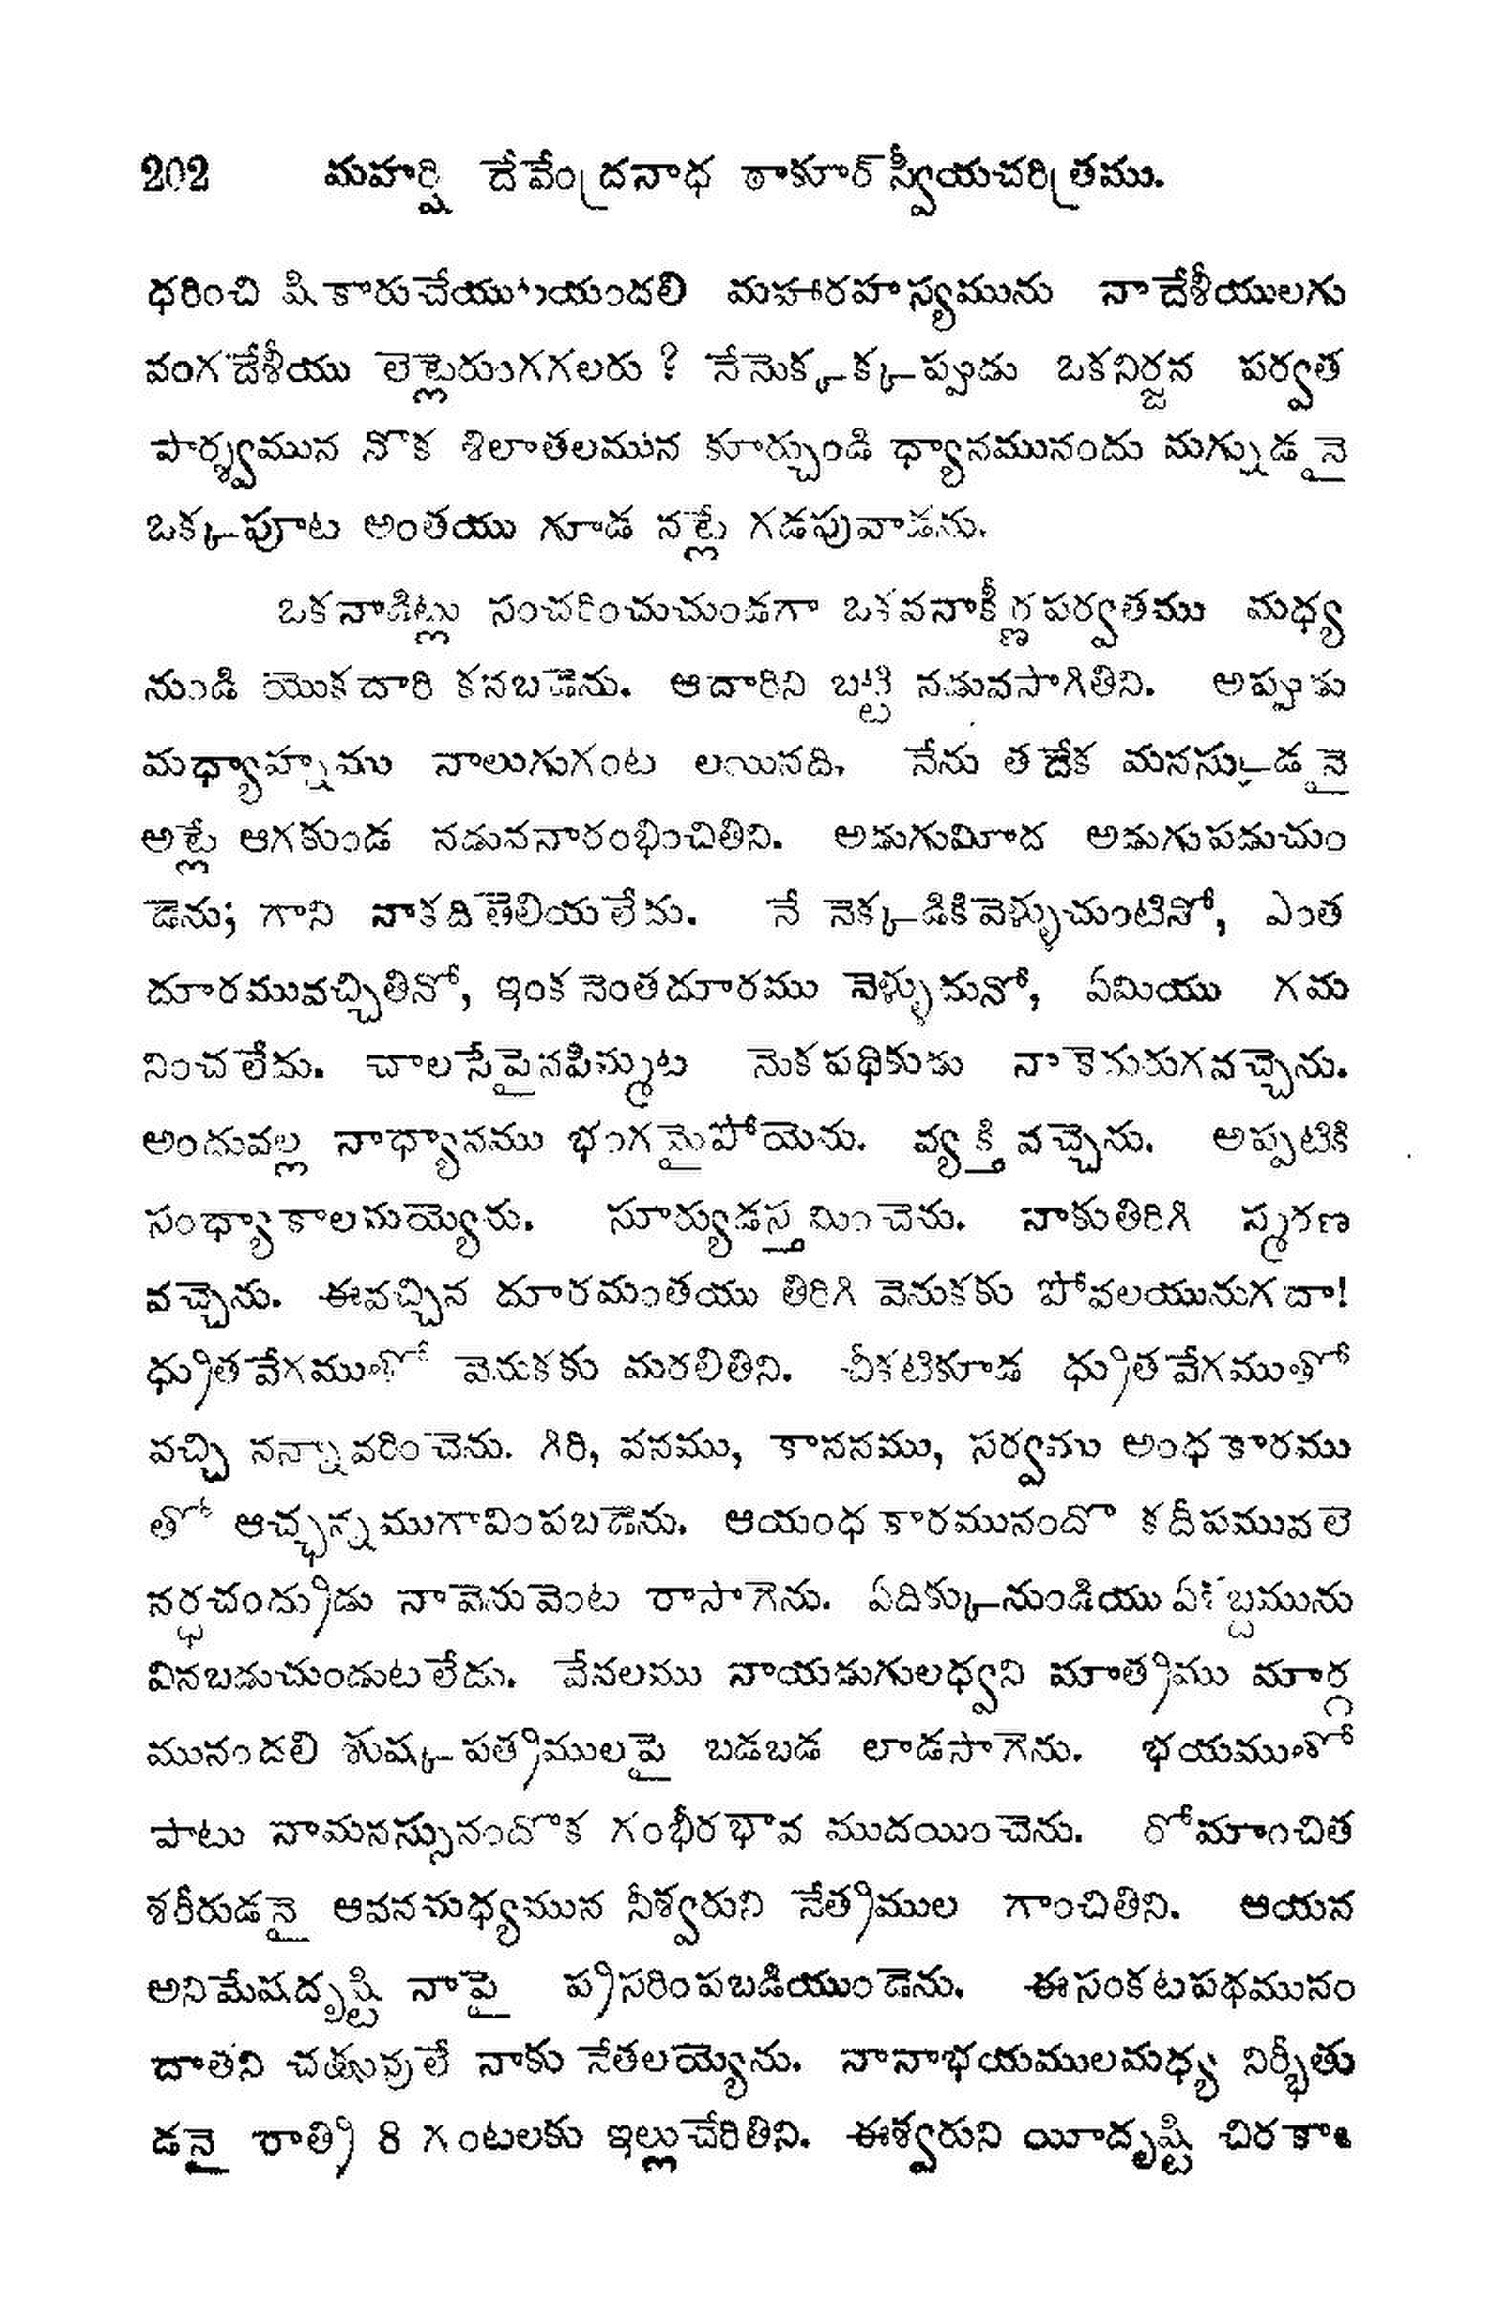ధరించి షికారు చేయుట యందలి మహారహస్యమును నా దేశీయులగు
వంగ దేశీయు లెట్లెరుగ గలరు ? 'నేనొక్కక్కప్పుడు ఒక నిర్జన పర్వత
పార్శ్వమున నొక శిలాతలమున కూర్చుండి ధ్యానమునందు మగ్నుడ నై
ఒక్క పూట అంతయు గూడ నట్లే గడపువాడను.

ఒక నాట్లు సంచరించుచుండగా ఒక వనాకీర్ణ పర్వతము మధ్య
నుండి యొక దారి కనబడెను. ఆ దారిని బట్టి నడవ సాగితిని. 
అప్పుడు మధ్యాహ్నము నాలుగుగంట లయినది.నేను తదేక మనస్కుడనై
అట్లే ఆగకుండ నడువనారంభిచితిని. అడుగుమీద అడుగు
పడుచుండెను; గాని నాకది తెలియ లేను.నే నెక్కడికి వెళ్ళుచుంటినో, ఎంత
దూరమువచ్చితినో, ఇంక సెంత దూరము వెళ్ళుదునో, ఏమియు 
గమనించ లేదు. చాల సేపై నపిమ్మట ఒక పథికుడు నా కెదురుకుగ
నచ్చెను. అందువల్ల నాధ్యానము భగమైపోయెను. వ్యక్తి వచ్చెను. అప్పటికి
సంధ్యా కాలముయ్యెను. సూర్యుడస్తమించెను. నాకు తిరిగి స్మరణ
వచ్చెను. ఈవచ్చిన దూరమంతయు తిరిగి వెనుకకు పోవలయును గదా!
థ్రుత వేగముతో వెనుకకు మరలితిని. చీకటికూడ థ్రుత వేగముతో
వచ్చి నన్నా వరించెను. గిరి, వనము, కాసనము, సర్వము అంధ కారము
తో ఆచ్ఛన్నము గావింపబడెను. ఆయంధ కారమునందొక దీపము వలె
నర్ధచంద్రుడు నావెను వెంట రాసాగెను. ఏదిక్కు నుండియు ఏశబ్దమును
వినబడుచుండుట లేదు. కేవలము నాయడుగుల ధ్వని మాత్రము మార్గము 
నందలి శుష్క పత్రముల పై బడబడ లాడసాగెను. భయముతోపాటు నామనస్సు 
నందొక గంభీర భావ ముదయించెను. రోమాంచితశరీరుడ నై అవనమధ్యమున 
నీశ్వరుని నేత్రముల గాంచితిని.ఆయన అనిమేషదృష్టి నాపై ప్రసరింపబడి
యుండెను, ఈ సంకటపథము నందాతని చక్షువులే నాకు నేతలయ్యెను. నానాభయముల మధ్య నిర్భీతుడనై రాతి 8 గంటలకు ఇల్లు చేరితిని. ఈశ్వరుని యీదృష్టి చిర కాల